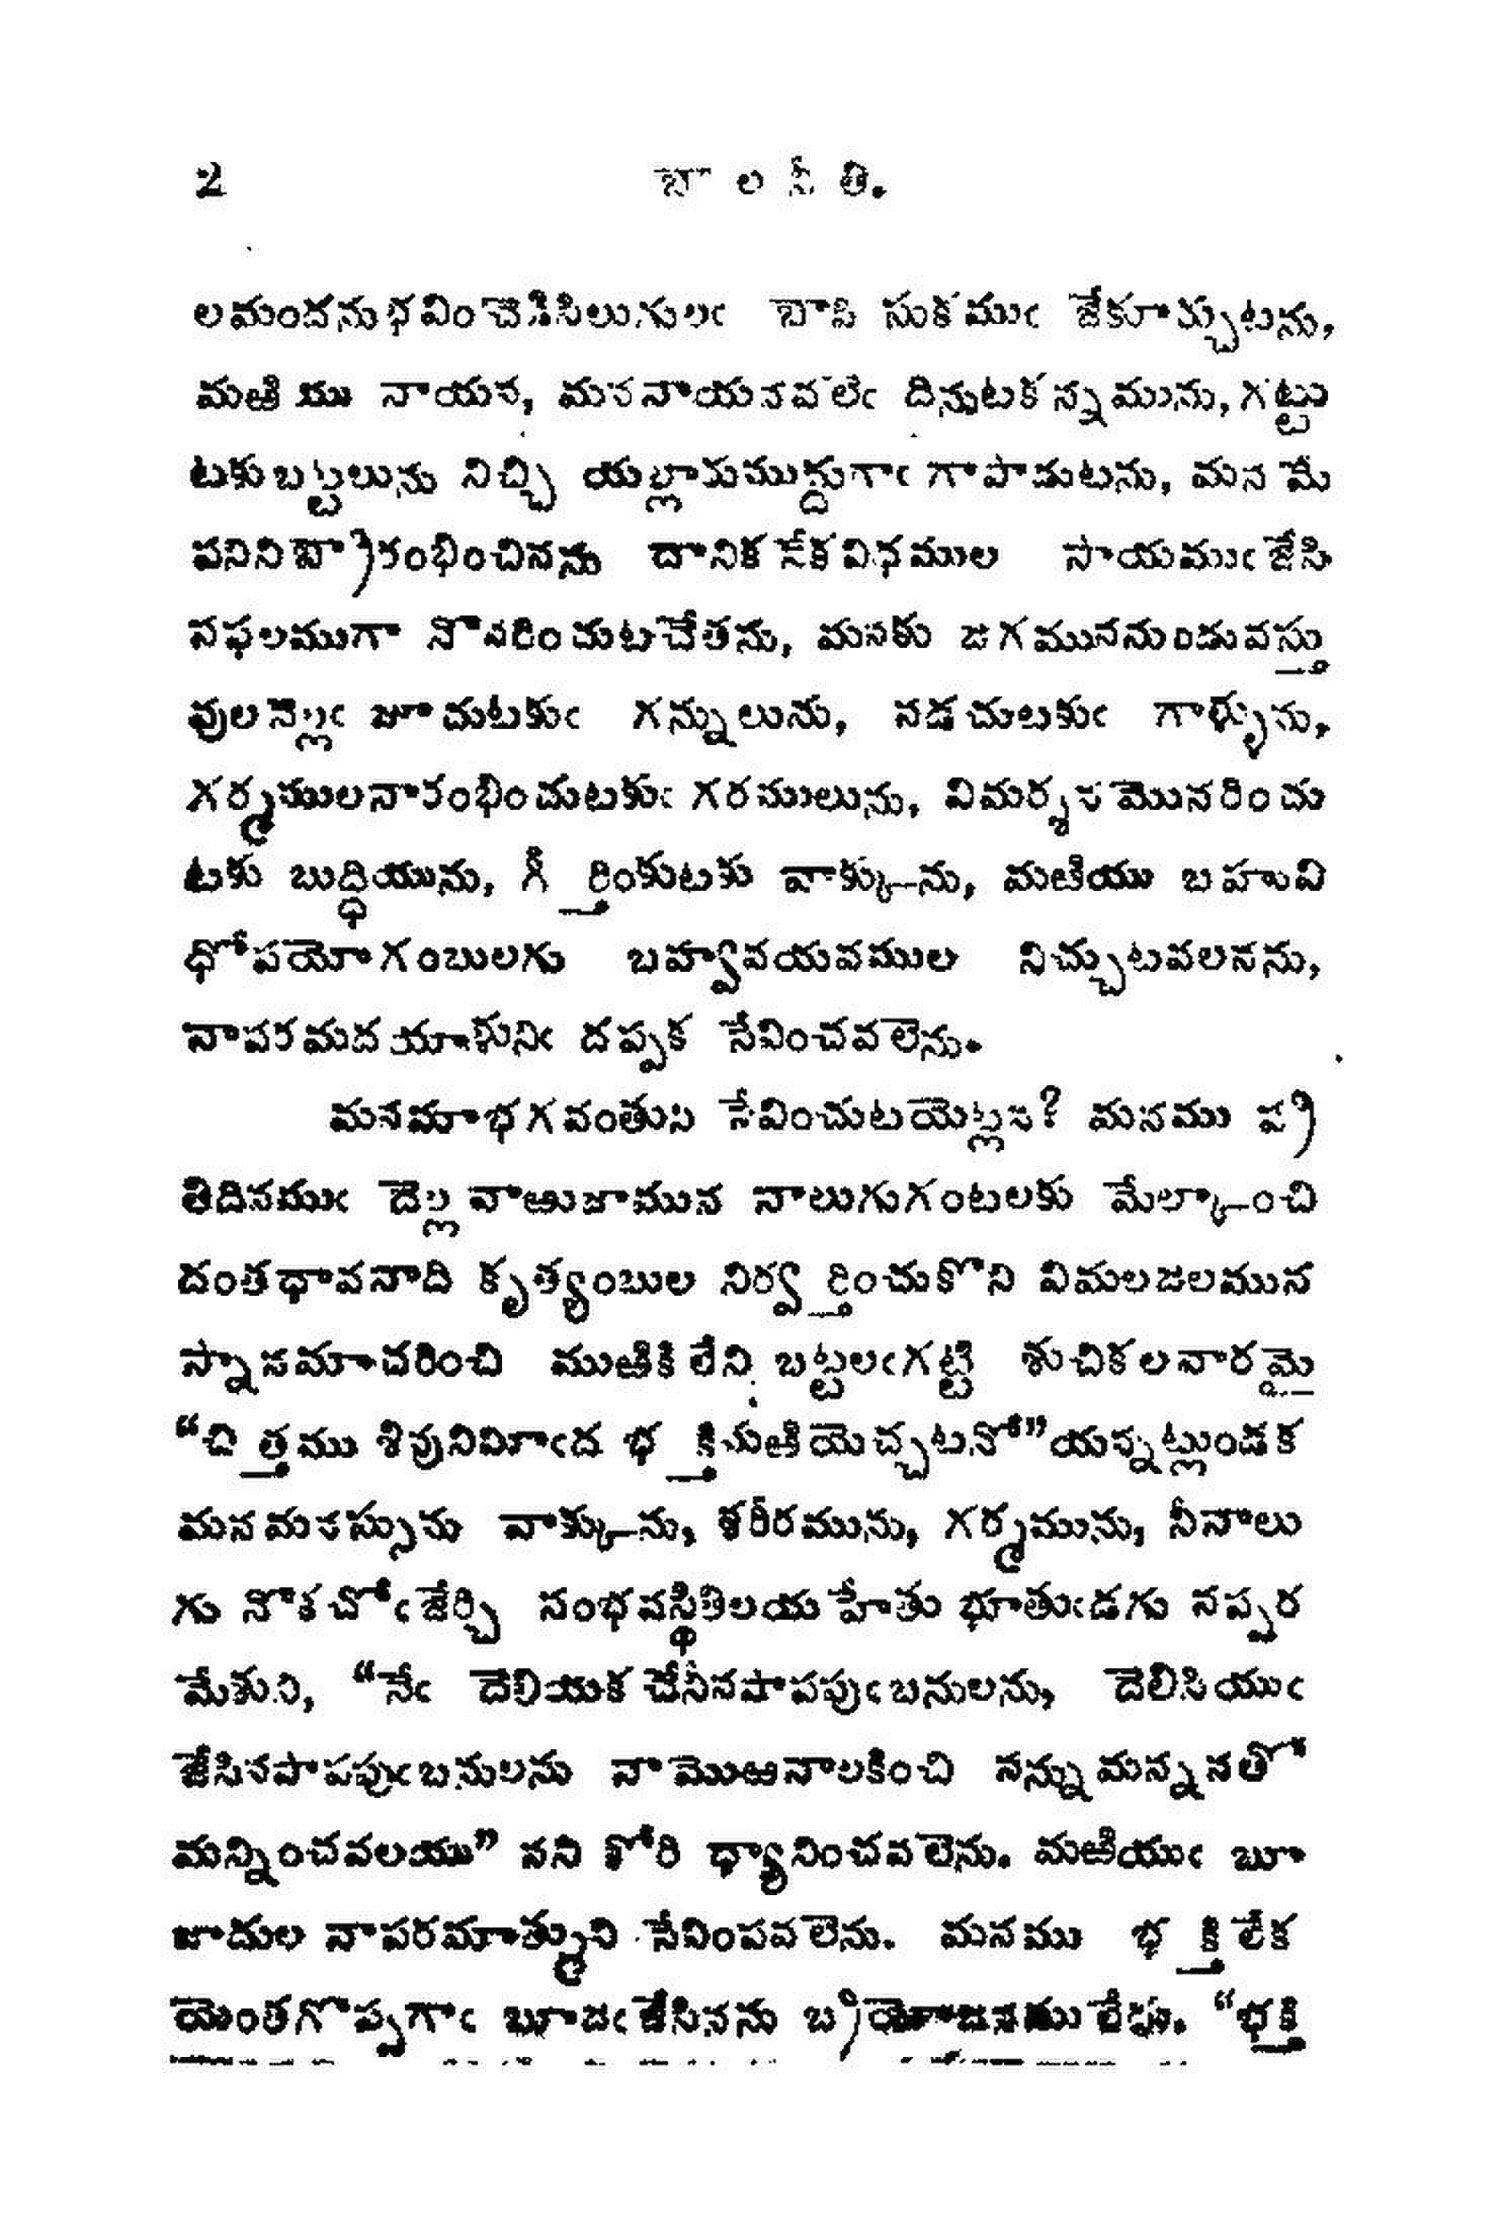లమందనుభవించెడిసిలుగులఁ బాపి సుకముఁ జేకూర్చుటను, మఱియు నాయన, మననాయనవలెఁ దినుటకన్నమును, గట్టుటకు బట్టలును నిచ్చి యల్లారుముద్దుగాఁ గాపాడుటను, మనమే 
పనినిబ్రారంభించినను దానికనేకవిధముల సాయముఁజేసి సఫలముగా నొనరించుటచేతను, మనకు జగముననుండు వస్తువులనెల్లఁ జూచుటకుఁ గన్నులును, నడచుటకుఁ గాళ్ళును, గర్మముల నారంభించుటకు గరములును, విమర్శనమొనరించుటకు బుద్ధియును, గీర్తించుటకు వాక్కును, మఱియు బహువిధోపయోగంబులగు బహ్వవయవముల నిచ్చుటవలనను, 
నాపరమదయాళునిఁ దప్పక సేవించవలెను.

మనమాభగవంతుని సేవించుటయెట్లన? మనము ప్ర
తిదినముఁ దెల్లవాఱుజామున నాలుగుగంటలకు మేల్కాంచి దంతధావనాది కృత్యంబుల నిర్వర్తించుకొని విమలజలమున స్నానమాచరించి ముఱికిలేని బట్టలఁగట్టి శుచికలవారమై "చిత్తము శివునిమీఁద భక్తిమఱియెచ్చటనో" యన్నట్లుండక 
మనమనస్సును వాక్కును, శరీరమును, గర్మమును, నీనాలుగు నొకచోఁజేర్చి సంభవస్థితిలయ హేతు భూతుఁడగు నప్పరమేశుని, "నేఁ దెలియకచేసిన పాపపుఁబనులను, దెలిసియుఁ జేసినపాపపుఁ బనులను నామొఱనాలకించి నన్ను మన్ననతో 
మన్నించవలయు" నని కోరి ధ్యానించవలెను. మఱియుఁ బూజాదుల నాపరమాత్ముని సేవింపవలెను. మనము భక్తిలేక యెంతగొప్పగాఁ బూజఁజేసినను బ్రయోజనములేదు. "భక్తి